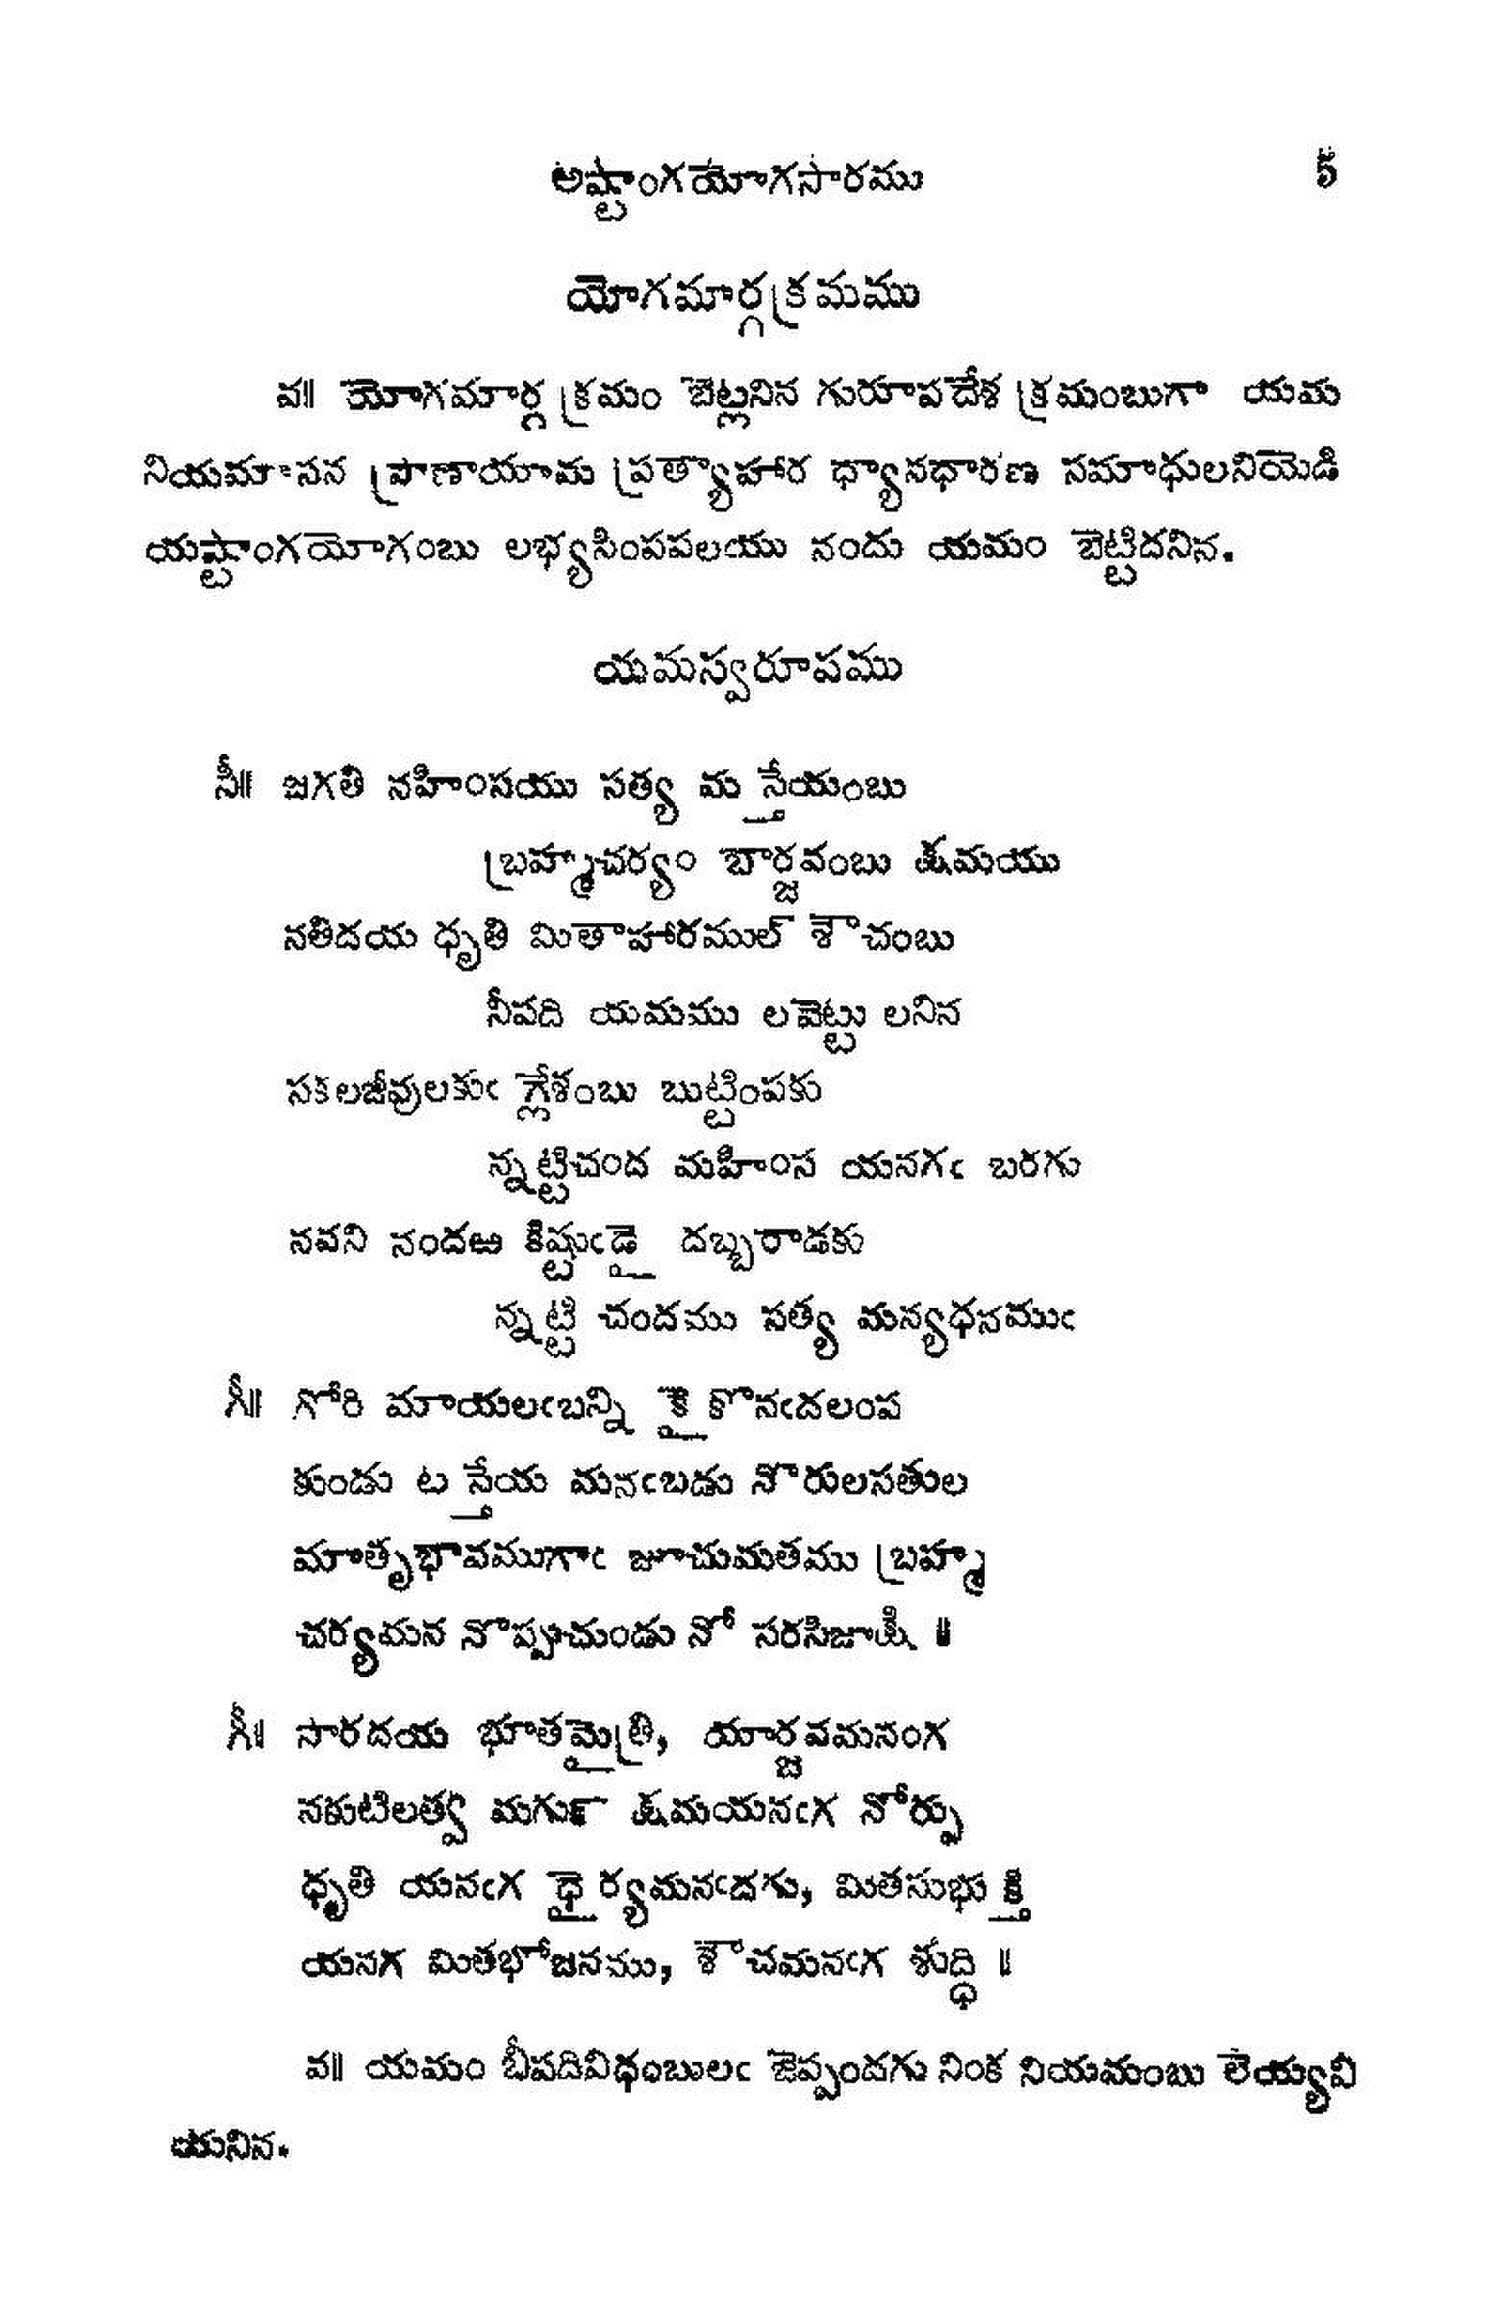వ॥ యోగమార్గక్రమం బెట్లనిన గురూపదేశక్రమంబుగా యమనియమాసన ప్రాణాయామ ప్రత్యాహార ధ్యానధారణ సమాధులనియెడి యష్టాంగయోగంబు లభ్యసింపపలయు నందు యమం బెట్టిదనిన.

సీ॥ జగతి నహింసయు సత్య మస్తేయంబు
 బ్రహ్మచర్యం బార్జవంబు క్షమయు
 నతిదయ ధృతి మితాహారముల్ శౌచంబు
 నీపది యమము లవెట్టు లనిన
 సకలజీవులకుఁ గ్లేశంబు బుట్టింపకు
 న్నట్టిచంద మహింస యనగఁ బరగు
 నవని నందఱ కిష్టుఁడై దబ్బరాడకు
 న్నట్టి చందము సత్య మన్యధనముఁ
గీ॥ గోరి మాయలఁబన్ని కైకొనఁదలంప
 కుండు టస్తేయ మనఁబడు నొరులసతుల
 మాతృభావముగాఁ జూచుమతము బ్రహ్మ
 చర్యయన నొప్పుచుండునో సరసిజాక్షి॥

గీ॥ సారదయ భూతమైత్రి, యార్జవమనంగ
 నకుటిలత్వ మగున్ క్షమయనఁగ నోర్పు
 ధృతి యనఁగ ధైర్యమనఁదగు, మితసుభుక్తి
 యనగ మితభోజనము, శౌచమనఁగ శుద్ధి॥

వ॥ యమం బీపదివిధంబులఁ జెప్పందగు నింక నియమంబు లెయ్యవి యనిన.